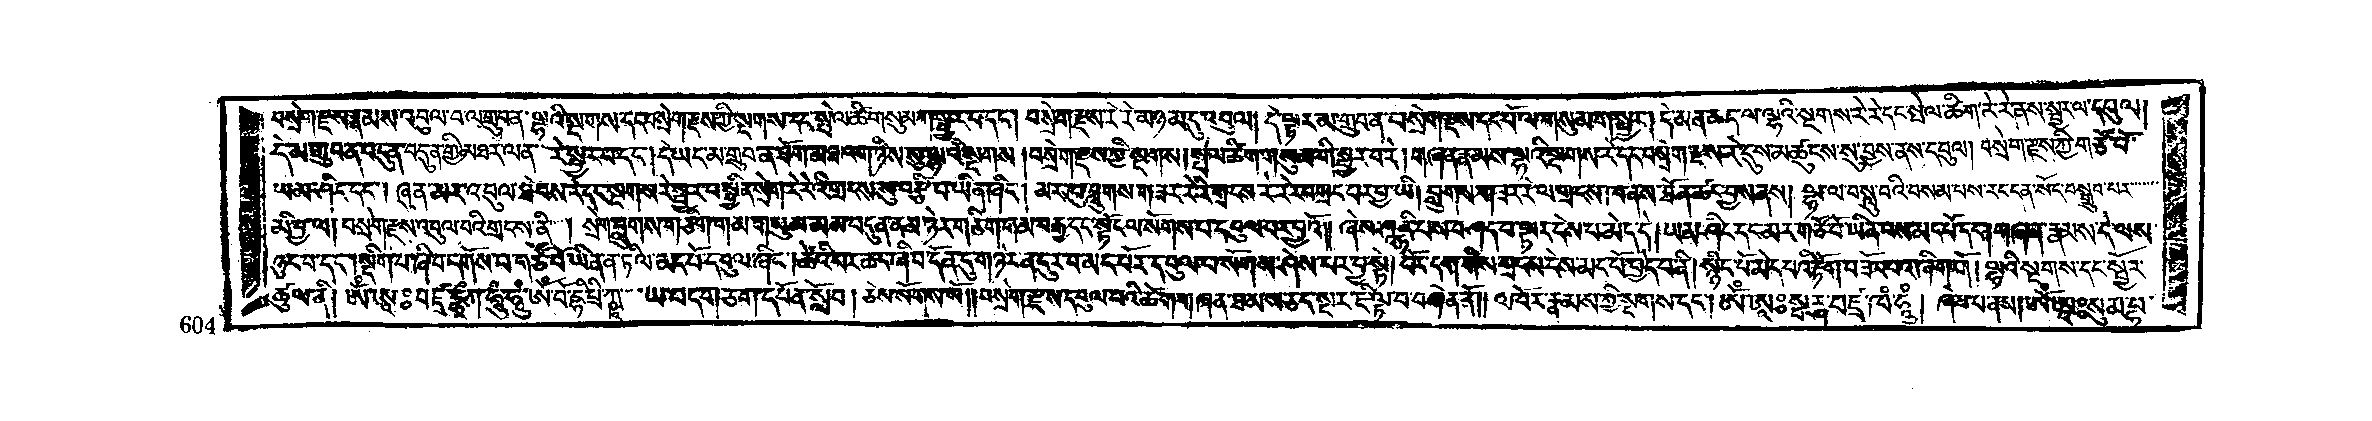བསྲེག་རྫས་རྣམས་འབུལ་བ་ལ་གྲུབ་ན་ལྷའི་སྔགས་དང་བསྲེགས་རྫས་ཀྱི་སྔགས་དང་སྤེལ་ཚིག་གསུམ་ཀ་སྦྱར་བ་དང་། བསྲེག་རྫས་རེ་རེ་མཉམ་དུ་འབུལ། དེ་ལྟར་མ་གྲུབ་ན་བསྲེག་རྫས་དང་པོ་ལ་གསུམ་ག་སྦྱར། དེ་མན་ཆད་ལ་ལྷའི་སྔགས་རེ་རེ་དང་སྤེལ་ཚིག་རེ་རེ་ནས་སྦྱར་ལ་དབུལ།
དེ་མ་གྲུབ་ན་བདུན་བདུན་གྱི་མཐར་ལན་རེ་སྦྱར་བ་དང་། དེ་ཡང་མ་གྲུབ་ན་ཐོག་མཐའ་གཉིས་སུ་ལྷའི་སྔགས། བསྲེག་རྫས་ཀྱི་སྔགས། སྤེལ་ཚིག་གསུམ་གི་སྦྱར་བ་རེ། གཞན་རྣམས་ལྷའི་སྔགས་རོ་དང་བསྲེག་རྫས་རེ་དུས་མཚུངས་སུ་བྱས་ནས་དབུལ། བསྲེག་རྫས་ཀྱི་གཙོ་བོ་
ཡམ་ཤིང་དང་། ཞུན་མར་འབུལ་ཐེབས་རེ་དང་སྔགས་རེ་སྦྱར་བ་སྦྱིན་སྲེག་རེ་རེའི་གྲངས་སུ་བརྩི་བ་ཡིན་ཞིང་། མར་ཁུ་བླུགས་གཟར་རེའི་གྲངས་རེ་རེར་བགྲང་བར་བྱ་ཡི། བླུགས་གཟར་རེ་ལ་གྲངས་ཁ་ནས་ཐོན་ཚད་བྱས་ནས། ལྷ་ལ་བསླུ་བའི་བསམ་པས་རང་དོན་སོང་བསྒྲུབ་པར་
མི་བྱ་ལ། བསྲེག་རྫས་འབུལ་བའི་གྲངས་ནི། སྲེག་བླུགས་གཅིག་གམ་གསུམ་མམ་བདུན་ནམ་ཉེར་གཅིག་གམ་བརྒྱ་དང་སྟོང་ལ་སོགས་པ་དབུལ་བར་བྱའོ། །ཞེས་ཤཱིནྟཾ་པས་བཤད་པ་ལྟར་ངེས་པ་མེད་དེ། ཡབ་ཤིང་དང་མར་གཙོ་བོ་ཡིན་པས་མང་པོ་དང་། གཞན་རྣམས་དེ་ལས་ཉུང་བ་དང་། སྡིག་པ་ཞི་བ་དགོས་པ་གཙོ་བོ་ཡིན་ན་ཏིལ་མང་པོ་དབུལ་ཞིང་། ཚེའི་བར་ཆད་ཞི་བ་དོན་དུ་གཉེར་ན་དུར་བ་མང་པོར་དབུལ་བ་སོགས་ཤེས་པར་བྱ་སྟེ། བོར?དག་གིས་གྲངས་ངེས་མང་པོ་བྱེད་པ་ནི། སྙིང་པོ་མེད་པའི་རྟོག་བཟོ་འབའ་ཞིག་གོ །ལྷའི་སྔགས་དང་སྦྱོར་
ཚུལ་ནི། ཨོཾ་ཨཱཿ བྫྲ་དྷྲིཀ་ཧཱུཾ་ཧཱུཾ་ཨོཾ་བོ་དྷི་པྲི་ཀྵཱ་ཡ་བདག་ཅག་དཔོན་སློབ། ཅེས་སོགས་སོ། །བསྲེག་རྫས་དབུལ་བའི་ཆོ་ག་གཞན་ཐམས་ཅད་སྔར་ཇི་ལྟ་བ་བཞིན་ནོ། །འཁོར་རྣམས་ཀྱི་སྔགས་དང་། ཨོཾ་ཨཱཿ སྦརྴ་བྫྲ་ཁཾ་ཧཱུཾ། ཞེས་པ་ནས། ཨོཾ་ཨཱཿ སུམ་བྷ་